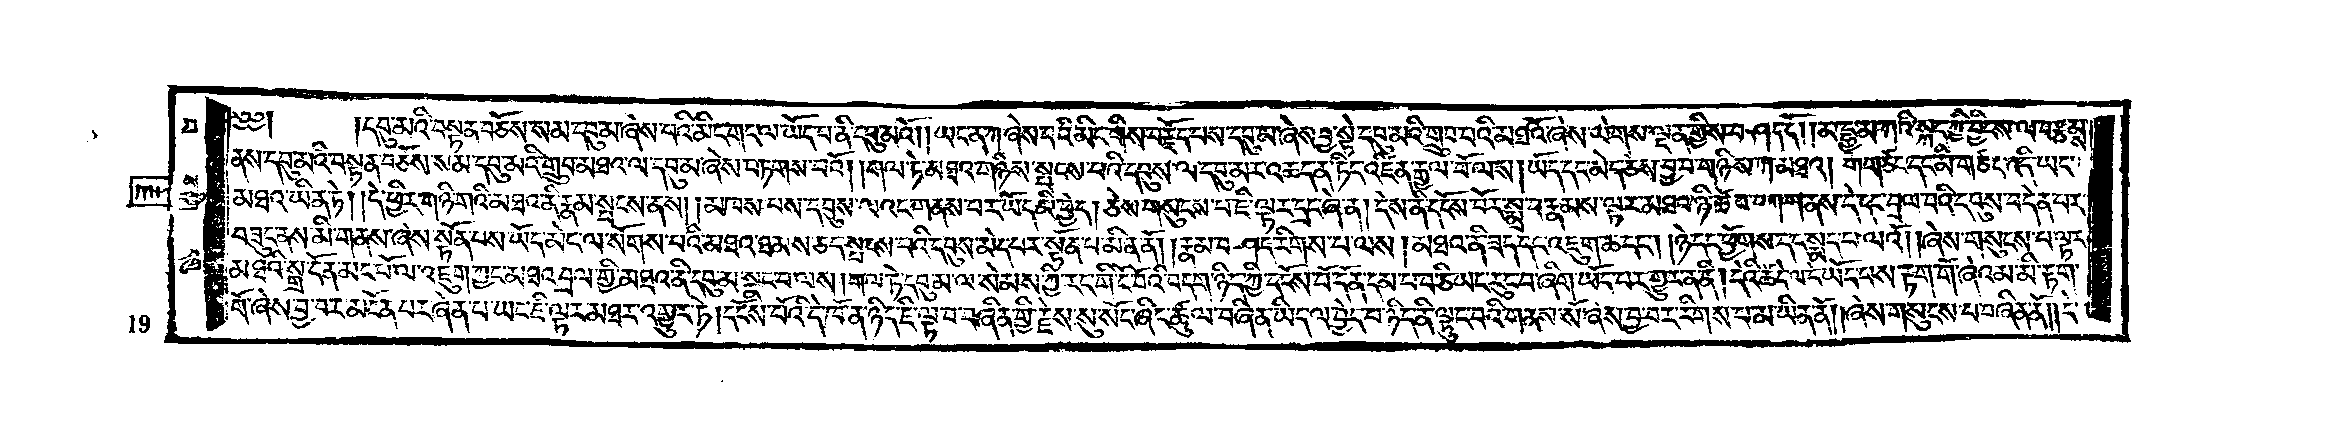༄༅། །དབུ་མའི་བསྟན་བཅོས་སམ་དབུ་མ་ཞེས་པའི་མིང་གང་ལ་ཡོད་པ་ནི་དབུ་མའོ། །ཡང་ནཱ་ཀ་ཞེས་པའི་མིང་གིས་བརྗོད་པས་དབུ་མ་ཞེས་བྱ་སྟེ་དབུ་མའི་སྒྲུབ་པའི་མཐའོ་ཞེས་ལེགས་ལྡན་གྱིས་བཤད་དོ། །མ་དྷྱ་མ་ཀའི་སྐད་ཀྱི་བྱིངས་ལ་བརྩགས་
ནས་དབུ་མའི་བསྟན་བཅོས་སམ་དབུ་མའི་གྲུབ་མཐའ་ལ་དབུ་མ་ཞེས་བཏགས་པའོ། །གལ་ཏེ་མཐའ་གཉིས་སྤངས་པའི་དབུས་ལ་དབུ་མར་འཆད་ན་ཏིང་འཛིན་རྒྱལ་པོ་ལས། ཡོད་དང་མེད་ཅེས་བྱ་བ་གཉིས་ཀ་མཐའ། །གཙང་དང་མི་གཙང་འདི་ཡང་
མཐའ་ཡིན་ཏེ། །དེ་ཕྱིར་གཉི་གའི་མཐའ་ནི་རྣམ་སྤངས་ནས། །མཁས་པས་དབུས་ལའང་གནས་པར་ཡོད་མི་བྱེད། ཅེས་གསུངས་པ་ཇི་ལྟར་དྲང་ཞེ་ན། དེས་ནི་དངོས་པོར་སྨྲ་བ་རྣམས་ལྟར་མཐའ་ཉི་ཚེ་བ་བཀག་ནས་དེ་དང་བྲལ་བའི་དབུས་བདེན་པར་
བཟུང་ནས་མི་གནས་ཞེས་སྟོན་པས་ཡོད་མེད་ལ་སོགས་པའི་མཐའ་ཐམས་ཅད་སྤངས་པའི་དབུས་མེད་པར་སྟོན་པ་མིན་པོ། །རྣམ་བཤད་རིགས་པ་ལས། མཐའ་ནི་ཟད་དང་འཇུག་ཆ་དང་། ཉེ་དང་ཕྱོགས་དང་སྨད་པ་ལའོ། །ཞེས་གསུངས་པ་ལྟར་
མཐའི་སྒྲ་དོན་མང་པོ་ལ་འཇུག་ཀྱང་མཐའ་བྲལ་གྱི་མཐའ་ནི་དབུ་མ་སྣང་བ་ལས། གལ་ཏེ་དབུ་མ་ལ་སེམས་ཀྱི་རང་གི་ངོ་བོའི་བདག་ཉིད་ཀྱི་དངོས་པོ་དོན་དམ་པ་བ་ཅི་ཡང་རུང་བ་ཞིག་ཡོད་པར་གྱུར་ན་ནི། དེའི་ཚེ་དེ་ལ་དེ་ཡོད་པས་རྟག་གོ་ཞེའམ་མི་རྟག་
གོ་ཞེས་བྱ་བར་མངོན་པར་ཞེན་པ་ཡང་ཇི་ལྟར་མཐར་འགྱུར་ཏེ། དངོས་པོའི་དེ་ཁོ་ན་ཉིད་ཇི་ལྟ་བ་བཞིན་གྱི་རྗེས་སུ་སོང་ཞིང་ཚུལ་བཞིན་ཡིད་ལ་བྱེད་པ་ཉི་ནི་ལྟུང་བའི་གནས་སོ་ཞེས་བྱ་བར་རིགས་པ་མ་ཡིན་ནོ། །ཞེས་གསུངས་པ་བཞིན་ནོ། །དེ་